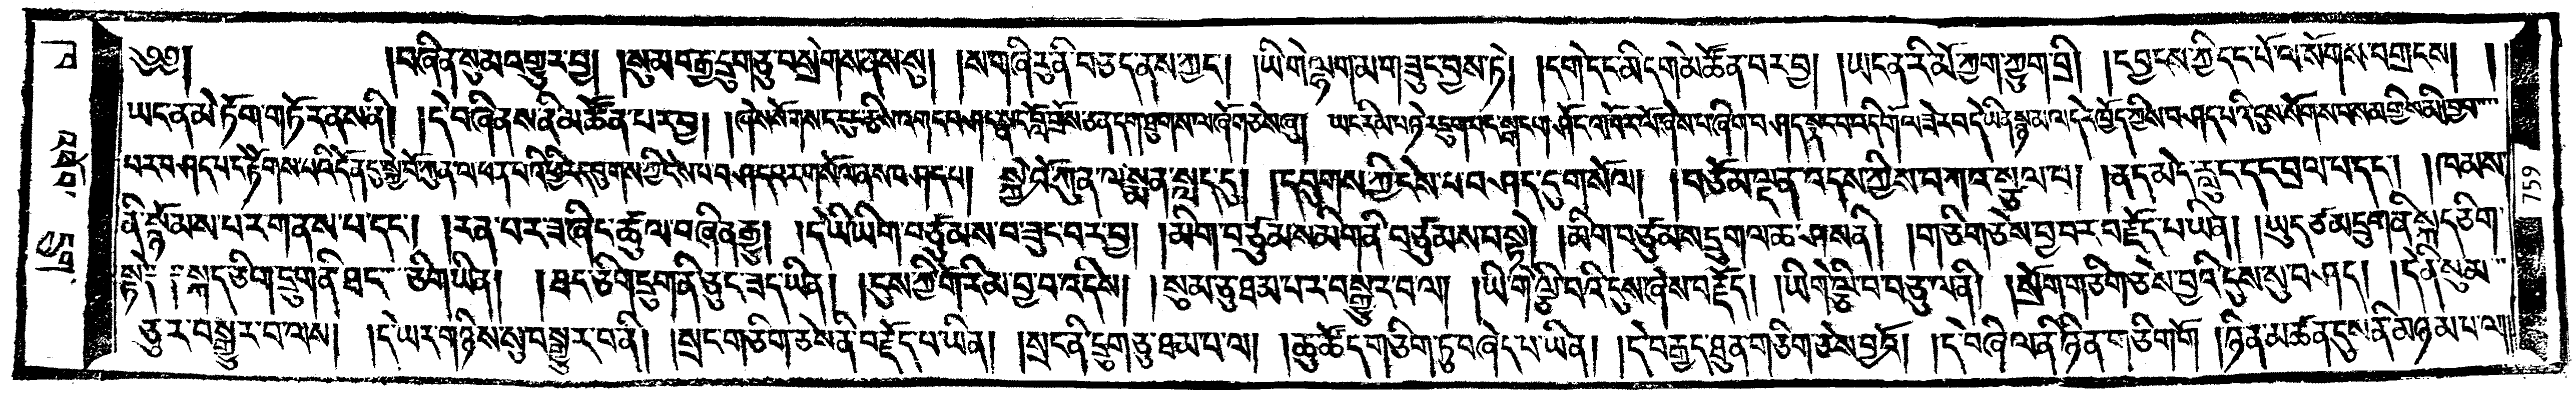༄༅། །བཞིན་སུམ་འགྱུར་བྱ། །སུམ་བརྒྱ་དྲུག་ཅུ་བསྲེགས་ནས་སུ། །ས་གཞི་རུ་ནི་བཅད་ནས་ཀྱང་། །ཡི་གེ་ལྷག་མ་གཟུང་བྱས་ཏེ། །དགེ་དང་མི་དགེ་མཚོན་བར་བྱ། །ཡང་ན་རི་མོ་ཀྱག་ཀྱུག་བྲི། །དབྱངས་ཀྱི་དང་པོ་ལ་སོགས་བགྲངས། །
ཡང་ན་མེ་ཏོག་གཏོར་ནས་ནི། །དེ་བཞིན་ས་ནི་མཚོན་པར་བྱ། །ཞེས་སོགས་བདུད་རྩིས་འགང་བཤད་སྣང་བློ་གྲོས་ཅན་དག་ཐུགས་ལ་ཞོག་ཅེས་ཞུ། ཡང་རིམ་པ་ཉེར་དྲུག་དང་སྒང་གཤོང་འཁོར་ལོ་ཞེས་བཞིག་བཤད་སྣང་བ་འདི་གོ་ལ་ཟེར་བ་དེ་ཡིན་སྙམ་ལ་དེར་ཁྱོད་ཀྱིས་བཤད་པའི་དུས་སོགས་བསམ་གྱིས་མི་ཁྱབ་
པར་བཤད་པ་དེ་རྟོགས་པའི་དོན་དུ་སྐྱེ་བོ་ཀུན་ལ་ཕན་པའི་ཕྱིར་དབུགས་ཀྱི་ངེས་པ་བཤད་པར་གསོལ་ནས་བཤད་པ། སྐྱེ་བོ་ཀུན་ལ་སྨན་སླད་དུ། །དབུགས་ཀྱི་ངེས་པ་བཤད་དུ་གསོལ། །བཅོམ་ལྡན་འདས་ཀྱིས་བཀའ་སྩལ་པ། །ནད་མེད་རླུང་དང་བྲལ་པ་དང་། །ཁམས་
ནི་སྙོམས་པར་གནས་པ་དང་། །རན་པར་ཟ་ཞིང་ཚུལ་བཞིན་རྒྱུ། །དེ་ཡི་ཡིག་བཙུམས་བཟུང་བར་བྱ། །མིག་བཙུམས་མིག་ནི་བཙུམས་པ་སྟེ། །མིག་བཙུམས་དྲུག་ལ་ཆ་ཤས་ནི། །གཅིག་ཅེས་བྱ་བར་བརྗོད་པ་ཡིན། །ཡུད་ཙམ་དྲུག་ནི་སྐད་ཅིག་
སྟེ༑ ༑སྐད་ཅིག་དྲུག་ནི་ཐང་ཅིག་ཡིན། །ཐང་ཅིག་དྲུག་ནི་ཅུང་ཟད་ཡིན། །དུས་ཀྱི་གོ་རིམ་བྱ་བ་འདིས། །སུམ་ཅུ་ཐམ་པར་བསྒྱུར་བ་ལ། །ཡི་གེ་ལྕེ་བའི་དུས་ཞེས་བརྗོད། །ཡི་གེ་ལྕི་བ་བཅུ་ལ་ནི། །སྲོག་གཅིག་ཅེས་བྱའི་དུས་སུ་བཤད། །དེ་ནི་སུམ་
ཅུར་བསྒྱུར་བ་ལས། །དེ་ཡར་གཉིས་སུ་བསྒྱུར་བ་ནི། །སྲང་གཅིག་ཅེས་ནི་བརྗོད་པ་ཡིན། །སྲང་ནི་དྲུག་ཅུ་ཐམ་པ་ལ། །ཆུ་ཚོད་གཅིག་ཏུ་བཞེད་པ་ཡིན། །དེ་བརྒྱད་ཐུན་གཅིག་ཅེས་བྱའོ། །དེ་བཞི་ལ་ནི་ཉིན་གཅིག་གོ །ཉིན་མཚན་དུས་ནི་མཉམ་པ་ལ།